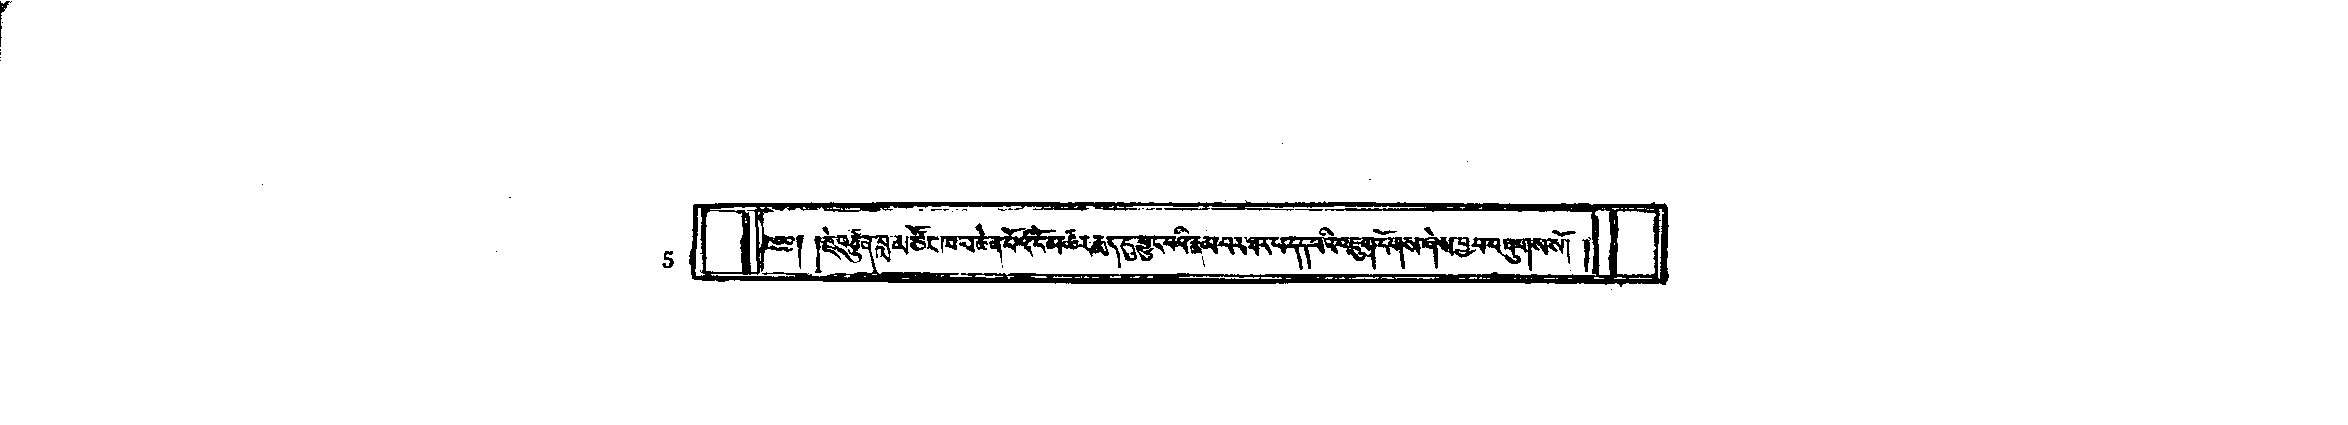༄༅། །རྗེ་བཙུན་བླ་མ་ཙོང་ཁ་པ་ཆེན་པོའི་ངོ་མཚར་རྨད་དུ་བྱུང་བའི་རྣམ་པར་ཐར་པ་དད་པའི་འཇུག་ངོགས་ཞེས་བྱ་བ་བཞུགས་སོ། །